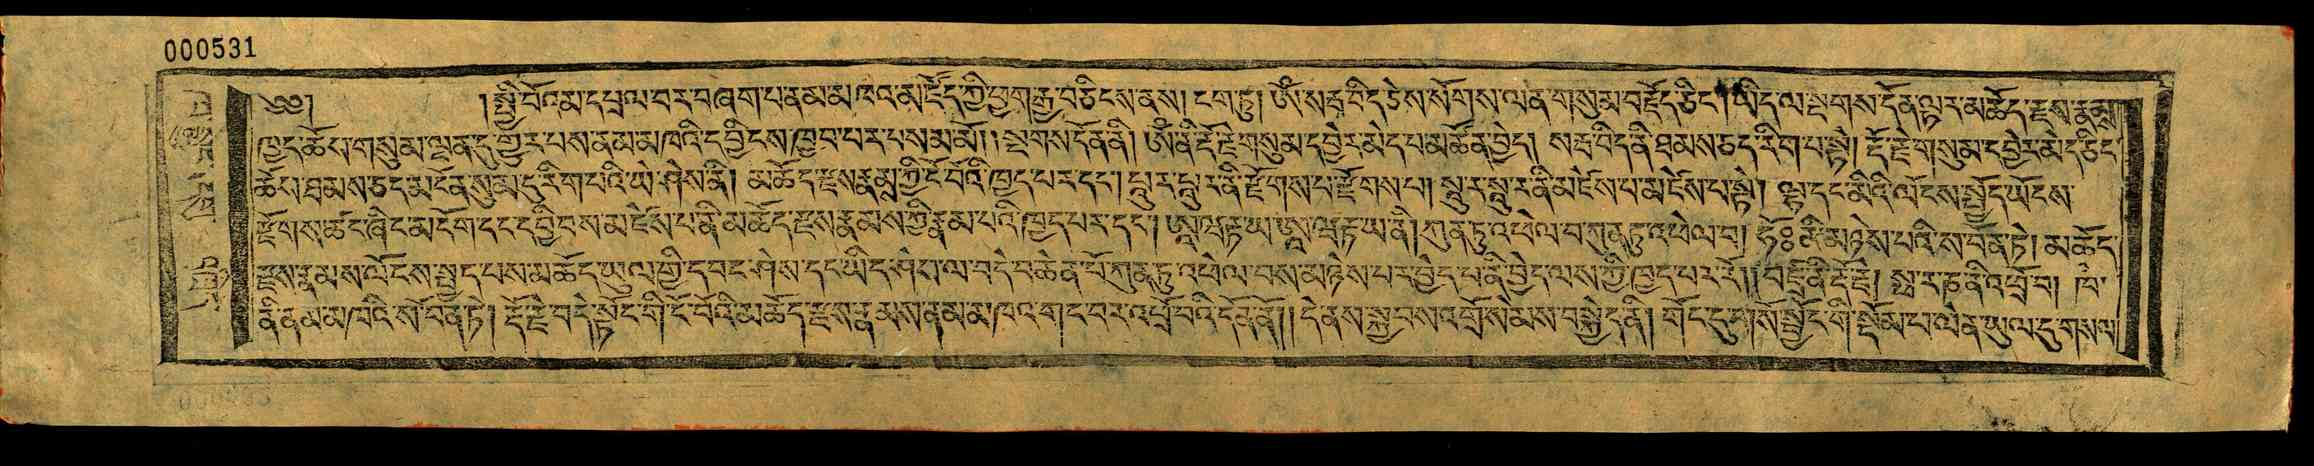༄༅། །སྤྱི་བོའམ་དཔྲལ་བར་བཞག་པ་ནམ་མཁའ་མཛོད་ཀྱི་ཕྱག་རྒྱ་བཅིངས་ནས། ངག་ཏུ། ཨོཾ་སརྦ་བིད་ཅེས་སོགས་ལན་གསུམ་བརྗོད་ཅིང་། ཡིད་ལ་སྔགས་དོན་ལྟར་མཆོད་རྫས་རྣམས་
ཁྱད་ཆོས་གསུམ་ལྡན་དུ་གྱུར་པས་ནམ་མཁའི་དབྱིངས་ཁྱབ་པར་བསམ་མོ། །སྔགས་དོན་ནི། ཨོཾ་ནི་རྡོ་རྗེ་གསུམ་དབྱེར་མེད་པ་མཚོན་བྱེད། སརྦ་བིད་ནི་ཐམས་ཅད་རིག་པ་སྟེ། རྡོ་རྗེ་གསུམ་དབྱེར་མེད་ཅིང་
ཆོས་ཐམས་ཅད་མངོན་སུམ་དུ་རིག་པའི་ཡེ་ཤེས་ནི། མཆོད་རྫས་རྣམས་ཀྱི་ངོ་བོའི་ཁྱད་པར་དང་། པཱུ་ར་པཱུ་ར་ནི་རྫོགས་པ་རྫོགས་པ། སཱུ་ར་སཱུ་ར་ནི་མཛེས་པ་མཛེས་པ་སྟེ། ལྷ་དང་མིའི་ལོངས་སྤྱོད་ཡོངས་
རྫོགས་ཚང་ཞིང་མདོག་དང་དབྱིབས་མཛེས་པ་ནི་མཆོད་རྫས་རྣམས་ཀྱི་རྣམ་པའི་ཁྱད་པར་དང་། ཨཱ་ཝ་རྟ་ཡ་ཨཱ་ཝ་རྟ་ཡ་ནི། ཀུན་ཏུ་འཕེལ་བ་ཀུན་ཏུ་འཕེལ་བ། ཧོཿ ནི་མཉེས་པའི་ས་བོན་ཏེ། མཆོད་
རྫས་རྣམས་ལོངས་སྤྱད་པས་མཆོད་ཡུལ་གྱི་དབང་ཤེས་དང་ཡིད་ཤེས་ལ་བདེ་བ་ཆེན་པོ་ཀུན་ཏུ་འཕེལ་བས་མཉེས་པར་བྱེད་པ་ནི་བྱེད་ལས་ཀྱི་ཁྱད་པར་རོ། །བཛྲ་ནི་རྡོ་རྗེ། སྥ་ར་ཎ་ནི་འཕྲོ་བ། ཁ་
ནི་ནམ་མཁའི་ས་བོན་ཏེ། རྡོ་རྗེ་བདེ་སྟོང་གི་ངོ་བོའི་མཆོད་རྫས་རྣམས་ནམ་མཁའ་གང་བར་འཕྲོ་བའི་དོན་ནི། །དེ་ནས་སྐྱབས་འགྲོ་སེམས་བསྐྱེད་ནི། གོང་དུ་གསོ་སྦྱོང་གི་སྡོམ་པ་ལེན་ཡུལ་དུ་གསོལ་